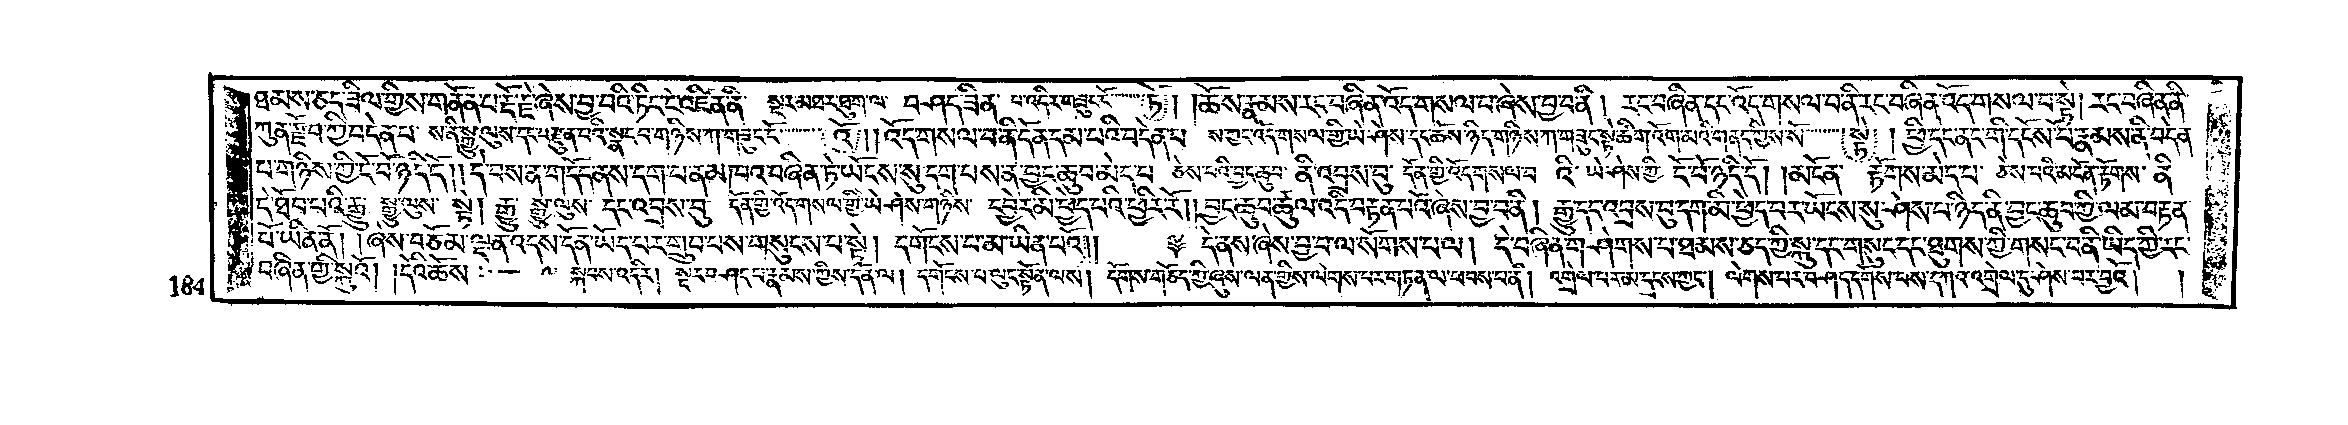ཐམས་ཅད་ཟིལ་གྱིས་གནོན་པ་རྡོ་རྗེ་ཞེས་བྱ་བའི་ཏིང་ངེ་འཛིན་ནི་སྔར་མཐར་ཐུག་ལ་བཤད་ཟིན་བ་འདིར་གཟུང་ངོ་ཏོ། །ཆོས་རྣམས་རང་བཞིན་འོད་གསལ་བ་ཞེས་བྱ་བ་ནི། རང་བཞིན་དང་འོད་གསལ་བ་ནི་རང་བཞིན་འོད་གསལ་བ་སྟེ། རང་བཞིན་ནི་
ཀུན་རྫོབ་ཀྱི་བདེན་པ་ས་ནི་སྒྱུ་ལུས་དང་བརྫུན་པའི་སྣང་བ་གཉིས་ཀ་གཟུང་ངོ་འོ། །འོད་གསལ་བ་ནི་དོན་དམ་པའི་བདེན་པ་ས་ཀྱང་འོད་གསལ་གྱི་ཡེ་ཤེས་དང་ཆོས་ཉིད་གཉིས་ཀ་གཟུང་སྟེ་ཚིག་འོག་མའི་གནད་ཀྱིས་སོ་སྟེ། ཕྱི་དེང་ནང་གི་དངོས་པོ་རྣམས་ནི་བདེན་
པ་གཉིས་ཀྱི་ངོ་བོ་ཉིད་དོ། །དེ་བས་ན་གདོད་ནས་དག་པ་ནམ་མཁའ་བཞིན་ཏེ་ཡོངས་སུ་དག་པས་ན་བྱང་ཆུབ་མེད་པ་ཅེས་པའི་བྱང་ཆུབ་ནི་འབྲས་བུ་དོན་གྱི་འོད་གསལ་བའི་ཡེ་ཤེས་ཀྱི་ངོ་བོ་ཉིད་དོ། །མངོན་རྟོགས་མེད་པ་ཅེས་པའི་མངོན་རྟོགས་ནི་
དེ་ཐོབ་པའི་རྒྱུ་སྒྱུ་ལུས་སྟེ། རྒྱུ་སྒྱུ་ལུས་དང་འབྲས་བུ། དོན་གྱི་འོད་གསལ་གྱི་ཡེ་ཤེས་གཉིས་དབྱེར་མི་ཕྱེད་པའི་ཕྱིར་རོ། །བྱང་ཆུབ་ཚུལ་འདི་བརྟན་པའོ་ཞེས་བྱ་བ་ནི། རྒྱུ་དང་འབྲས་བུ་དག་མི་ཕྱེད་པར་ཡོངས་སུ་ཤེས་པ་ཉིད་ནི་བྱང་ཆུབ་ཀྱི་ལམ་བརྟན་
པོ་ཡིན་ནོ། །ཞེས་བཅོམ་ལྡན་འདས་དོན་ཡོད་པར་གྲུབ་པས་གསུངས་པ་སྟེ། དགོངས་པ་མ་ཡིན་པའོ།། ༈ དེ་ནས་ཞེས་བྱ་བ་ལ་སོགས་པ་ལ། དེ་བཞིན་གཤེགས་པ་ཐམས་ཅད་ཀྱི་སྐུ་དང་གསུང་དང་ཐུགས་ཀྱི་གསང་བ་ནི་ཡིད་ཀྱི་རང་
བཞིན་གྱི་སྐུའོ། །དེའི་ཚེས་༧སྐབས་འདིར། སྔར་བཤད་པ་རྣམས་ཀྱིས་དོན་ལ། དགོངས་པ་ལུང་སྟོན་ལས། དོགས་གཅོད་ཀྱི་ཞུས་ལན་གྱིས་ལེགས་པར་གཏན་ལ་ཕབས་པ་ནི། འགྲེལ་པར་མ་དྲངས་ཀྱང་། ལེགས་པར་བཤད་དགོས་པས་དཀའ་འགྲེལ་དུ་ཤེས་པར་བྱའོ། །